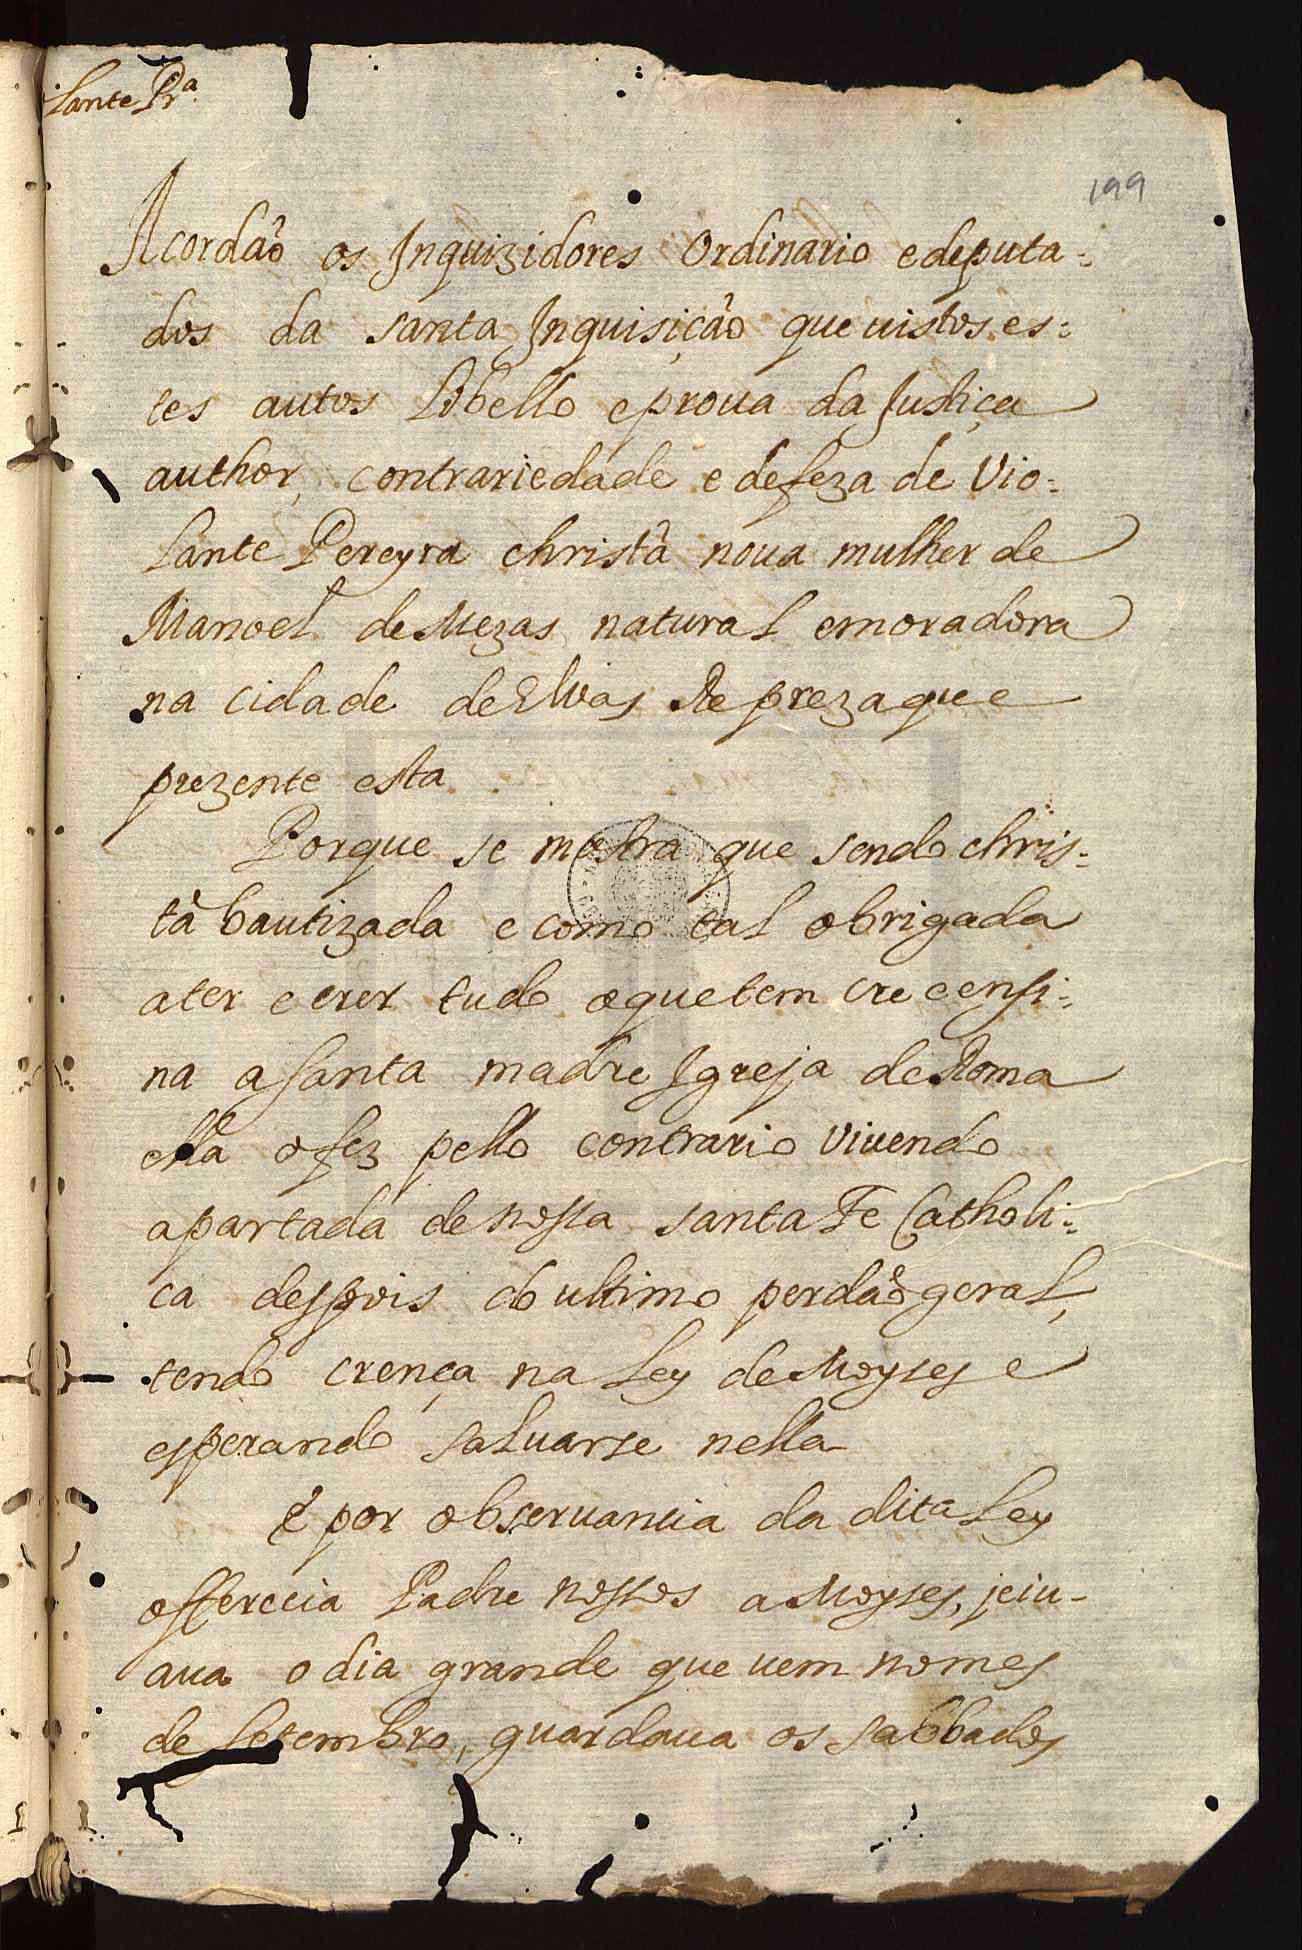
Lante Pra.
Acordaõ os Jnquizidores Ordinario e deputa
dos da santa Jnquisição que uistos estes
autos Libello e proua da Justiça
author, contrariedade e defeza de Vio
lante Pereyra christã noua mulher de
Manoel de Mezas natural e moradora
na cidade de Elvas Re preza que
prezente esta
Porque se mostra que sendo chris
tã bautizada e como tal obrigada
a ter e crer tudo o que tem cre e ensi
na a santa madre Jgreja de Roma
ella o fez pello contrario viuendo
apartada de nossa santa Fe Catholi
ca despois do ultimo perdaõ geral,
tendo crença na Ley de Moyses e
esperando saluarse nella
& por obseruancia da dita Ley
offerecia Padre nossos a Moyses, jeiu
aua o dia grande que uem no mes
de setembro, guardaua os sabbados
